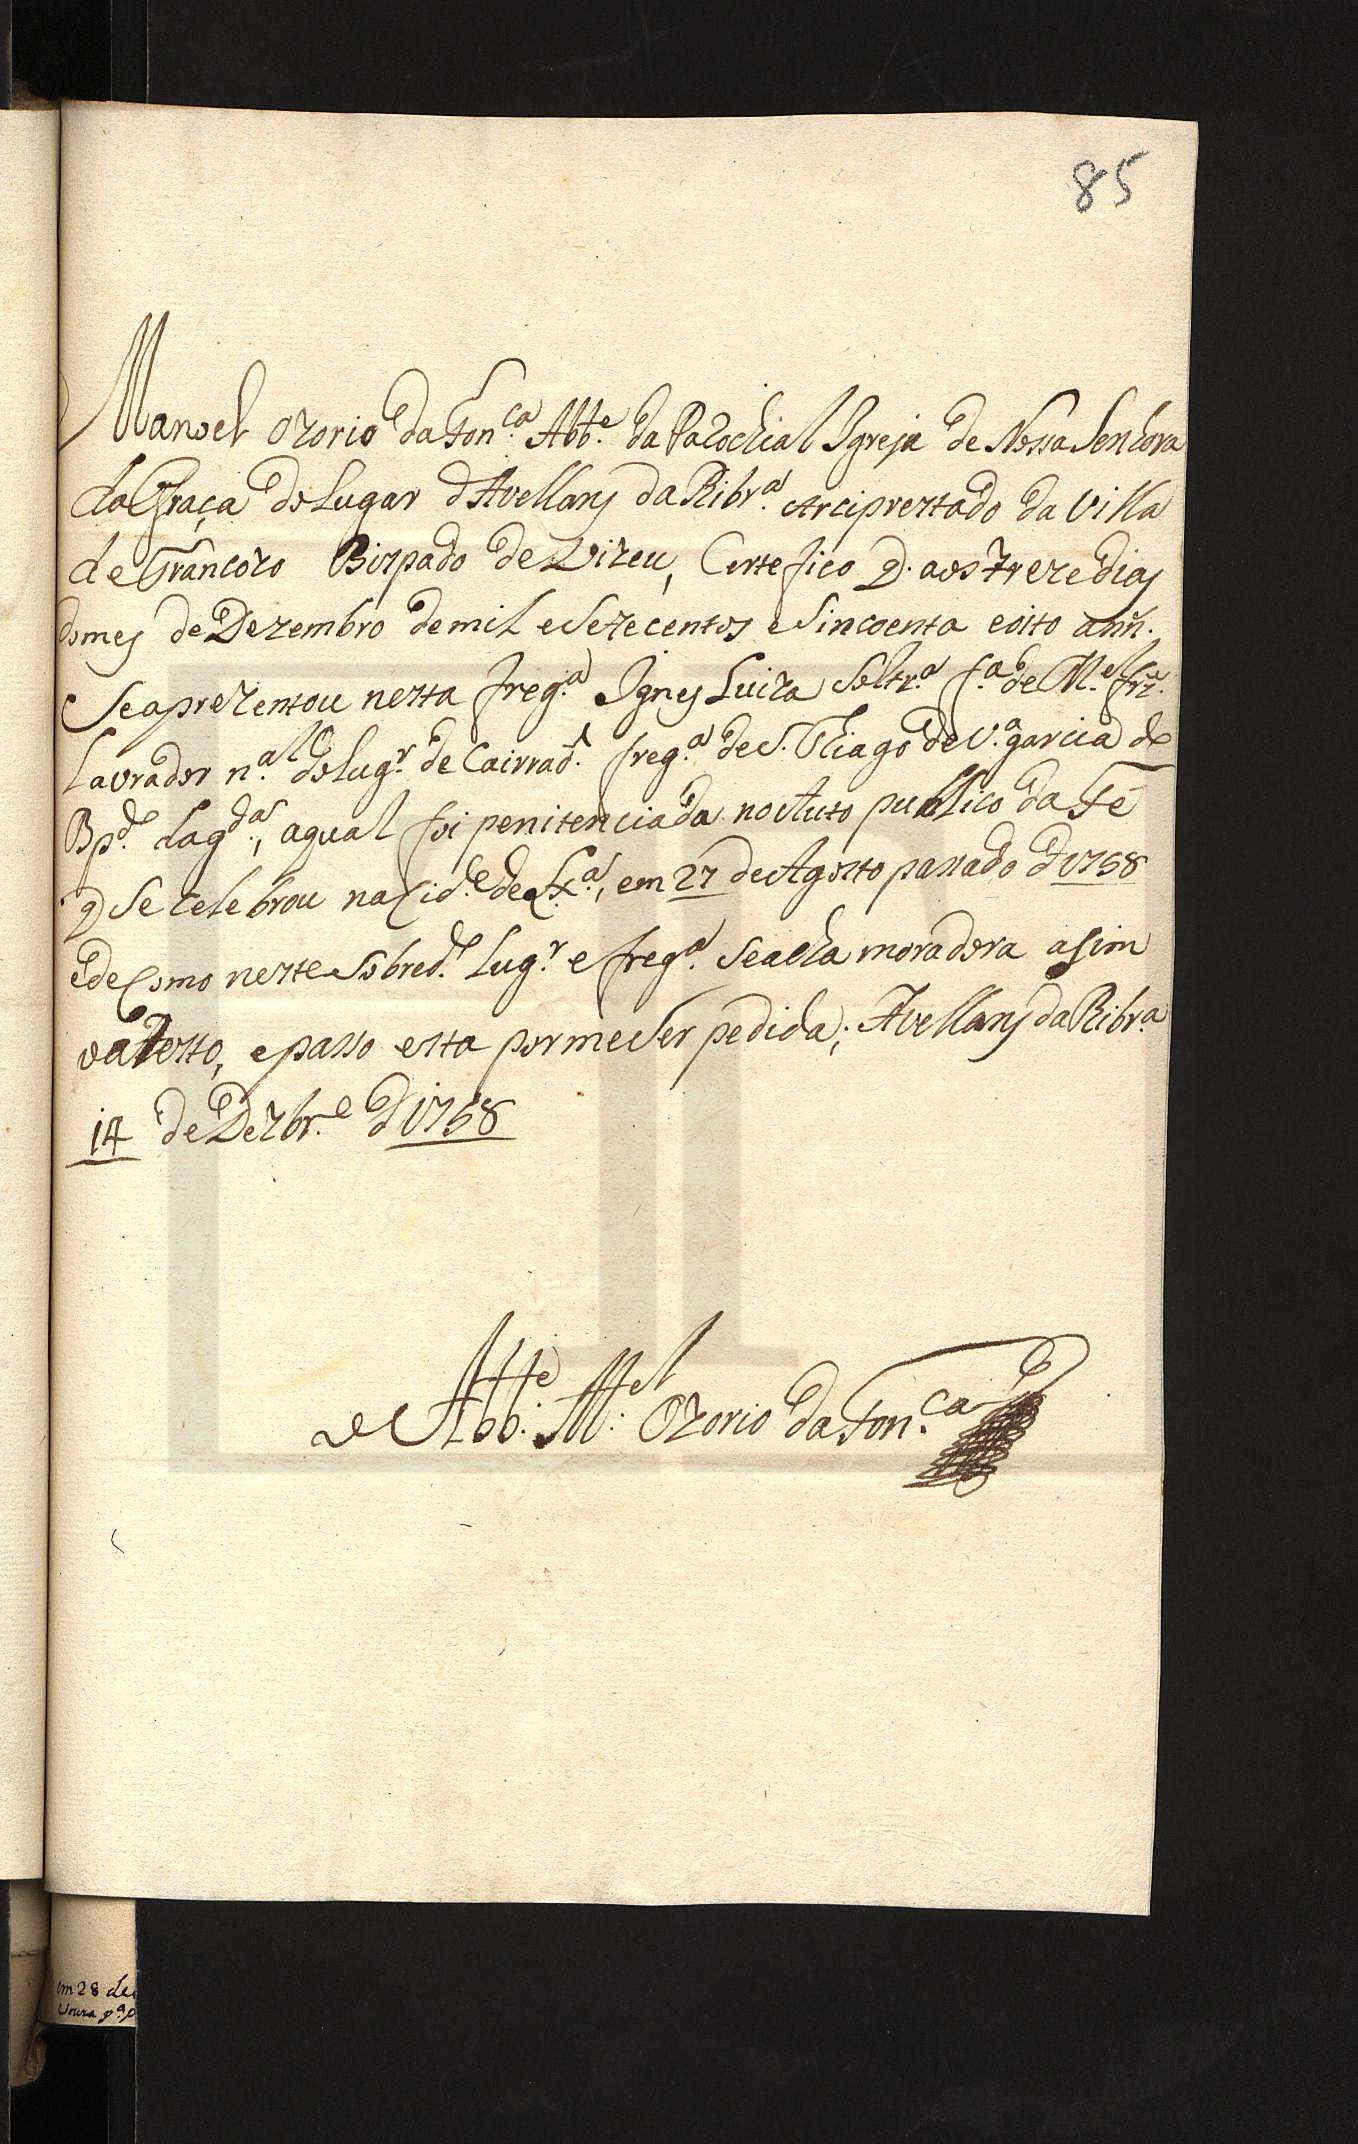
Manoel Ozorio da Fon.ca Abb̄.e da Pahochial Igreja de Nossa Senhora
da Praça do Lugar d'Avellans da Ribr.a Arciprestado da villa
de Trancozo Bispado de Vizeu, Certefico q̄ aos treze dias
do mes de Dezembro de mil e Setecentos e Sincoenta e oito ann.s
se aprezentou nesta freg.a Ignes Luiza Soltr.a f.a de M.el frz̄.
Lavrador n.al do Lug.r de Cairraõ. freg.a de S. Thiago de V.a garcia do
Bp.do da g.da, a qual foi penitenciada no Auto publico da Fé
q̄ se celebrou na Cid.e de Lx.a, em 27 de Agosto passado d̄ 1758
e de Como neste sobred.o Lug.r e freg.a se acha moradora asim
o atesto, e passo esta por me ser pedida; Avellans da Ribr.a
i4 de Dezbr.o d̄ i758
o Abb̄.e M.el Ozorio da Fon.ca
